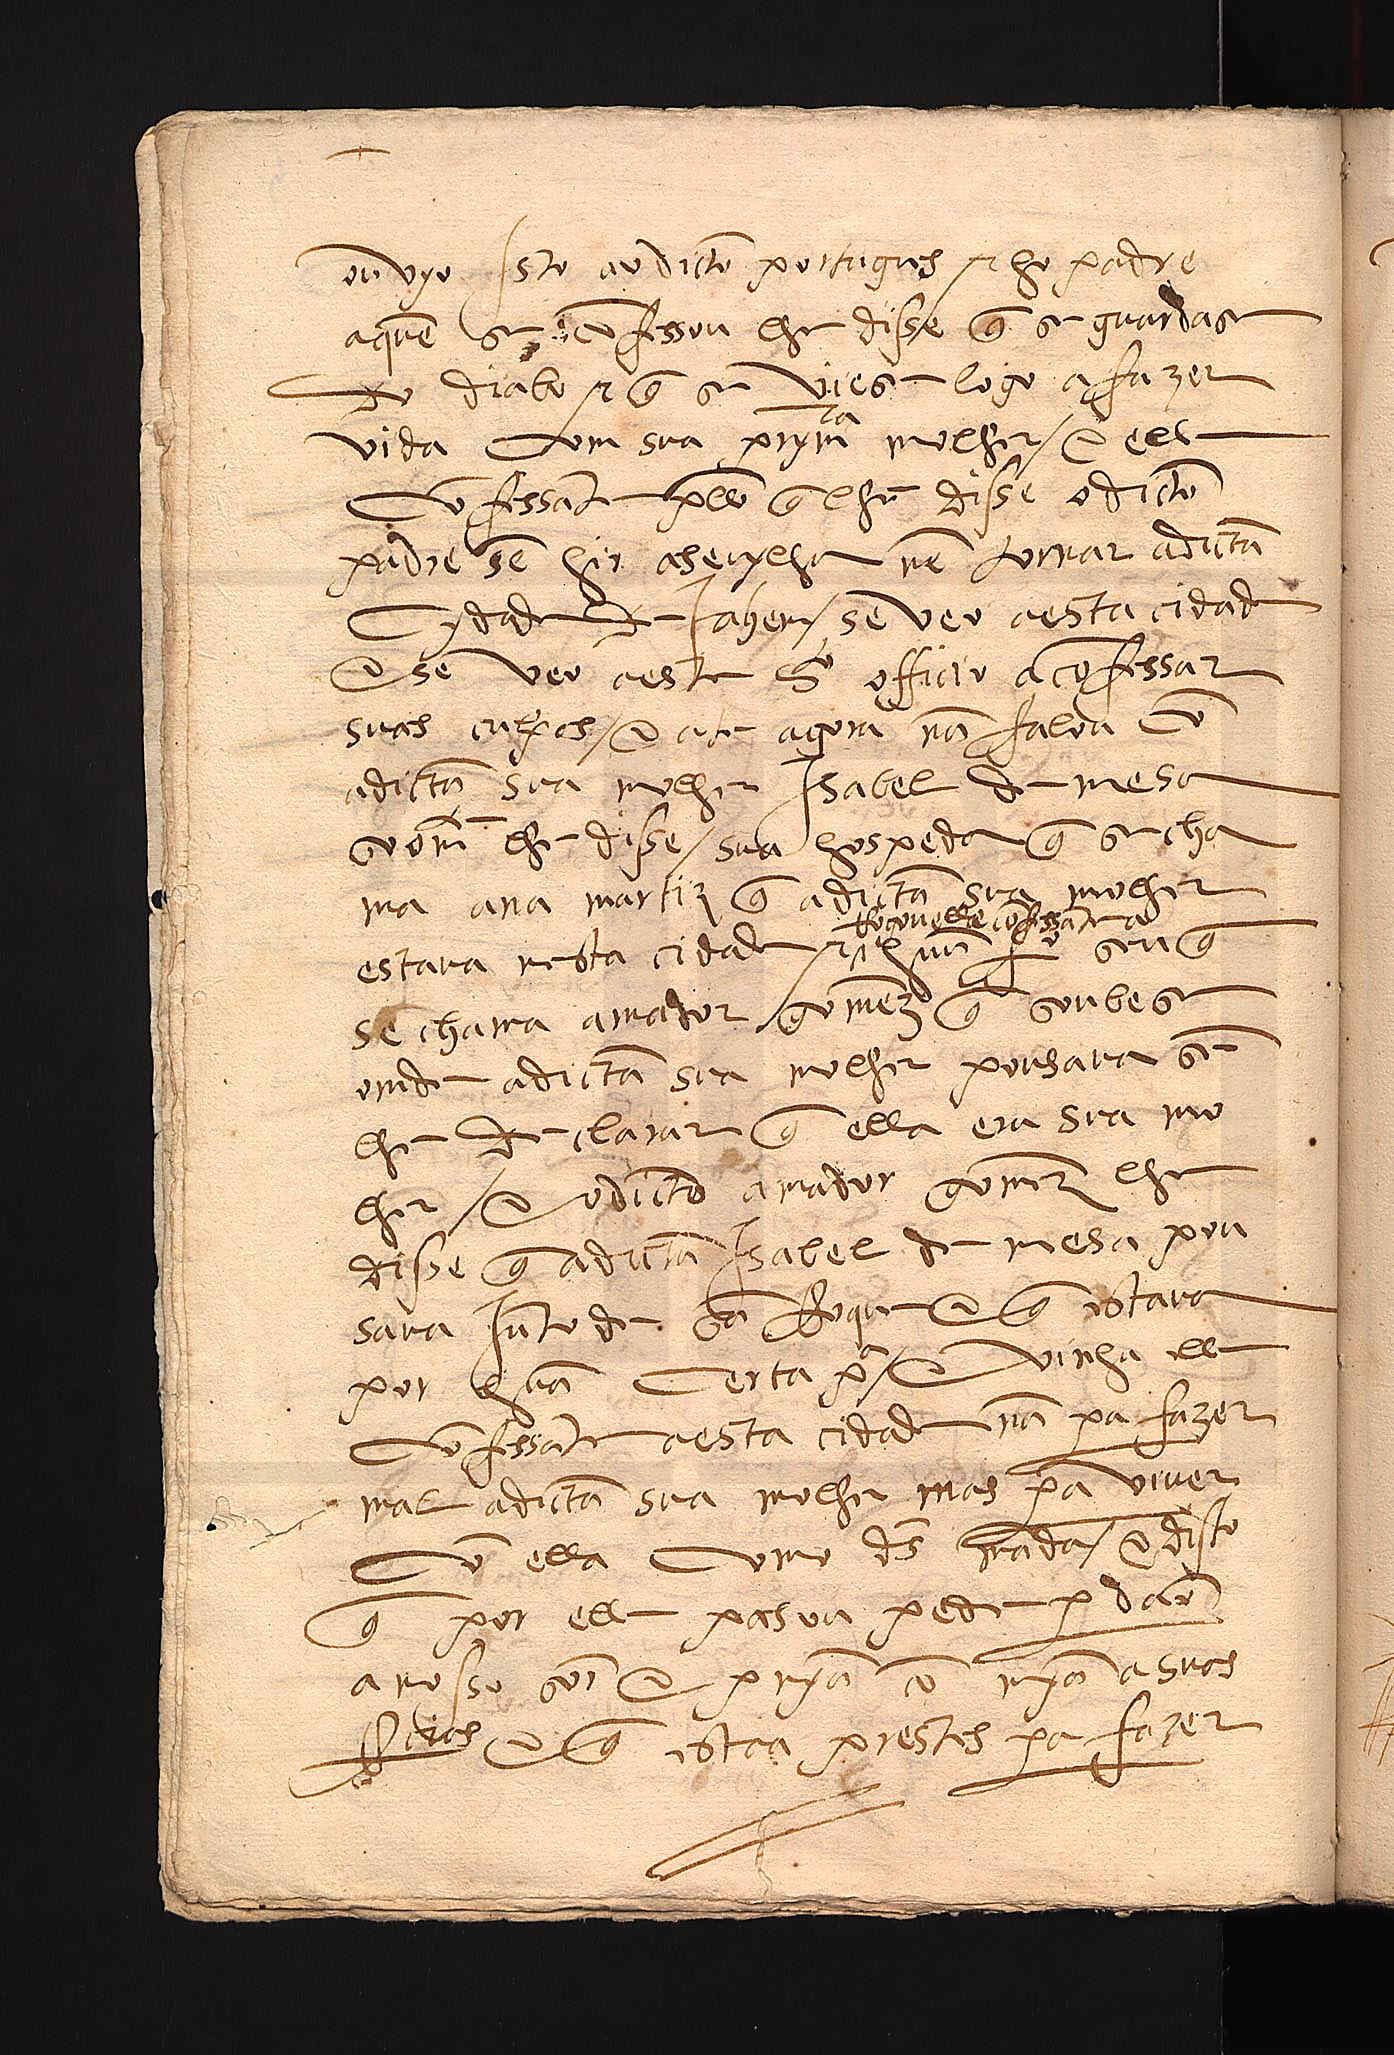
ouvyo Jsto ao dīcto portugues e ho padre
a q̄ue se cōfessou lhe disse q̄ se guardase
do diabo e q̄ se viese logo a fazer
vida com sua prymra molher / e elle
Cōfessāte p̄llo q̄ lhe disse o dīcto
padre sē hir a seuylha nē tornar a dic̄ta
Cydade de Jahem / se veo a esta cidade
e se veo a este Sto officio a cōfessar
suas culpas / e ate agora nā falou cō
a dic̄ta sua molher Jsabel de mesa
soomte lhe disse / sua hospeda q̄ se cha
ma ana martiz q̄ a dic̄ta sua molher
estaua nesta cidade e
Rogou elle cōfessāte a
hūu fo seu q̄
se chama amador / gom̄ez q̄ soubese
omde a dic̄ta sua molher pousaua sē
lhe declarar q̄ ella era sua mo
lher / e o dīcto amador gōmez lhe
disse q̄ a dic̄ta Jsabel de mesa pou
saua Jūto de sā Roque e q̄ estaua
por hūa Certa pa / e vinha elle
cōfessāte a esta cidade nā ꝑa fazer
mal a dic̄ta sua molher mas ꝑa viuer
cō ella como d̄s māda / e disto
q̄ por elle pasou pede ꝑdão
a nosso sōr e pnȳa cō mȳa a suas
Rcias e q̄ estaa prestes ꝑa fazer
